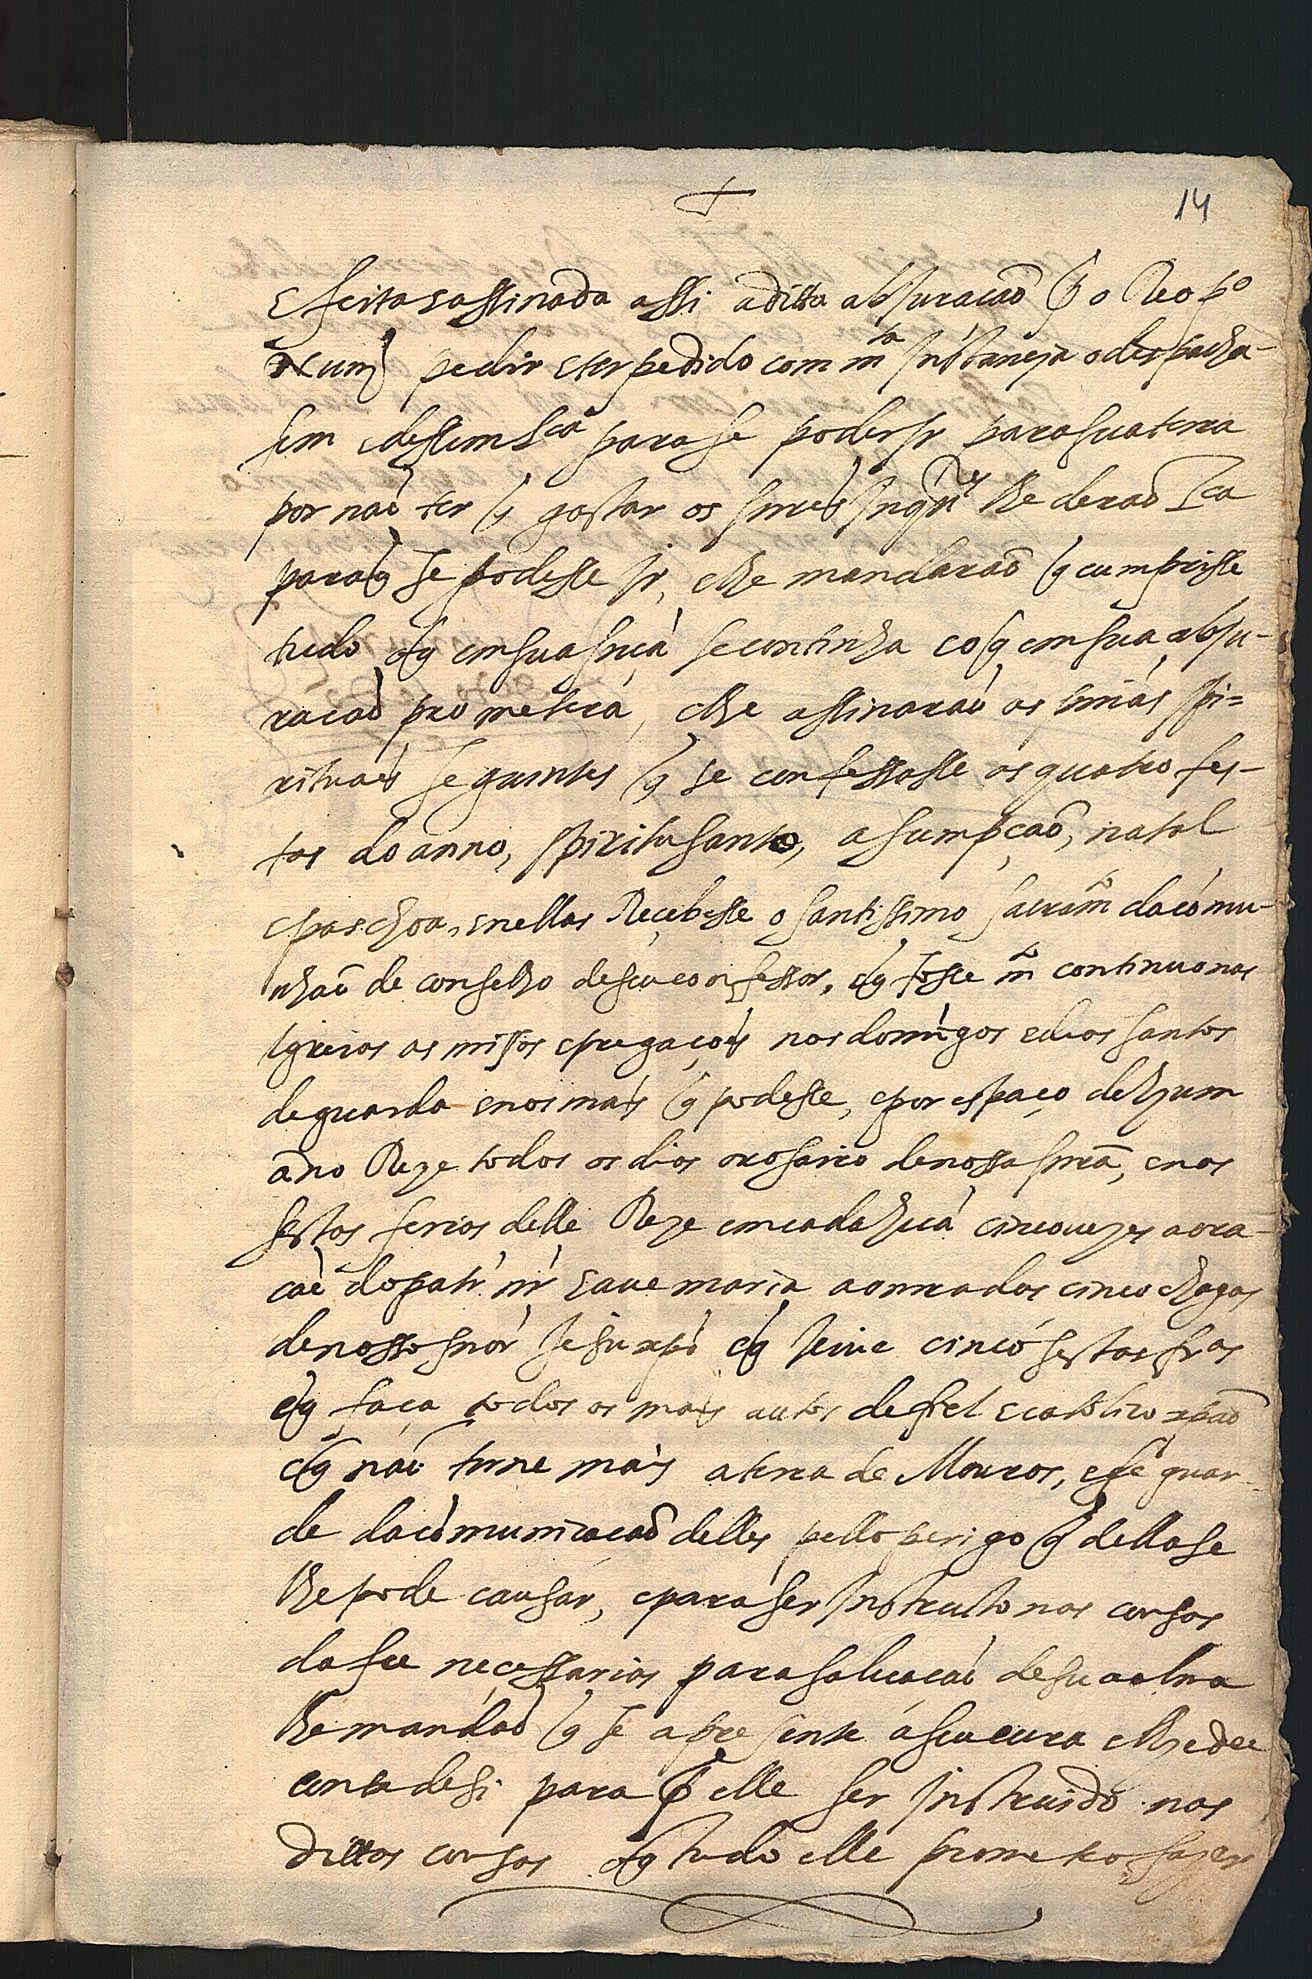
E feita E assinada assi a ditta abJuração p̄ o Reo po
Nunz̄ pedir e ter pedido com mta Jnstancja o despacha
sem e dessem lça para se poder Jr para sua terra
por não ter q̄ gastar os snres̄ Jnqures lhe deraõ Lça
para q̄ se podesse Jr, e lhe mandaraõ q̄ cumprisse
tudo o q̄ em sua snçā se continha e o q̄ em sua abju
raçaõ prometera, e lhe assinaraõ as pniās spi
rituaes seguintes q̄ se confessasse as quatro fes
tas do anno, spiritu santo, asumpçaõ, natal
e paschoa, e nellas Recebesse o Santissimo Sacramto da cōmu
nhaõ de conselho de seu confessor, e q̄ fosse mto continuo nas
Jgreias as missas e pregaçoẽs nos domīgos e dias santos
de guarda en os mais q̄ podesse, e por espaço de hum
āno Reze todos os dias o rosario de nossa snrā, e nas
sestas feiras delle Reze em cada huā cinco uezes a ora
çaõ do patr̄ nr̄ E aue maria a onra das cinco chagas
de nosso snor̄ Jesu xpō e q̄ Jeiue cinco sestas fras
e q̄ faça todos os mais autos de fiel e catolico xpão
e q̄ naõ torne mais a terra de Mouros, e se guar
de da cōmunicaçaõ delles pello perigo q̄ della se
lhe pode causar, e para ser Jnstructo nas cousas
da fee necessarias para saluaçaõ de sua alma
lhe mandão q̄ se apresente a seu cura e lhe dee
conta de si para p̄o elle ser Jnstruido nas
dittas cousas, o q̄ tudo elle prometeo fazer
